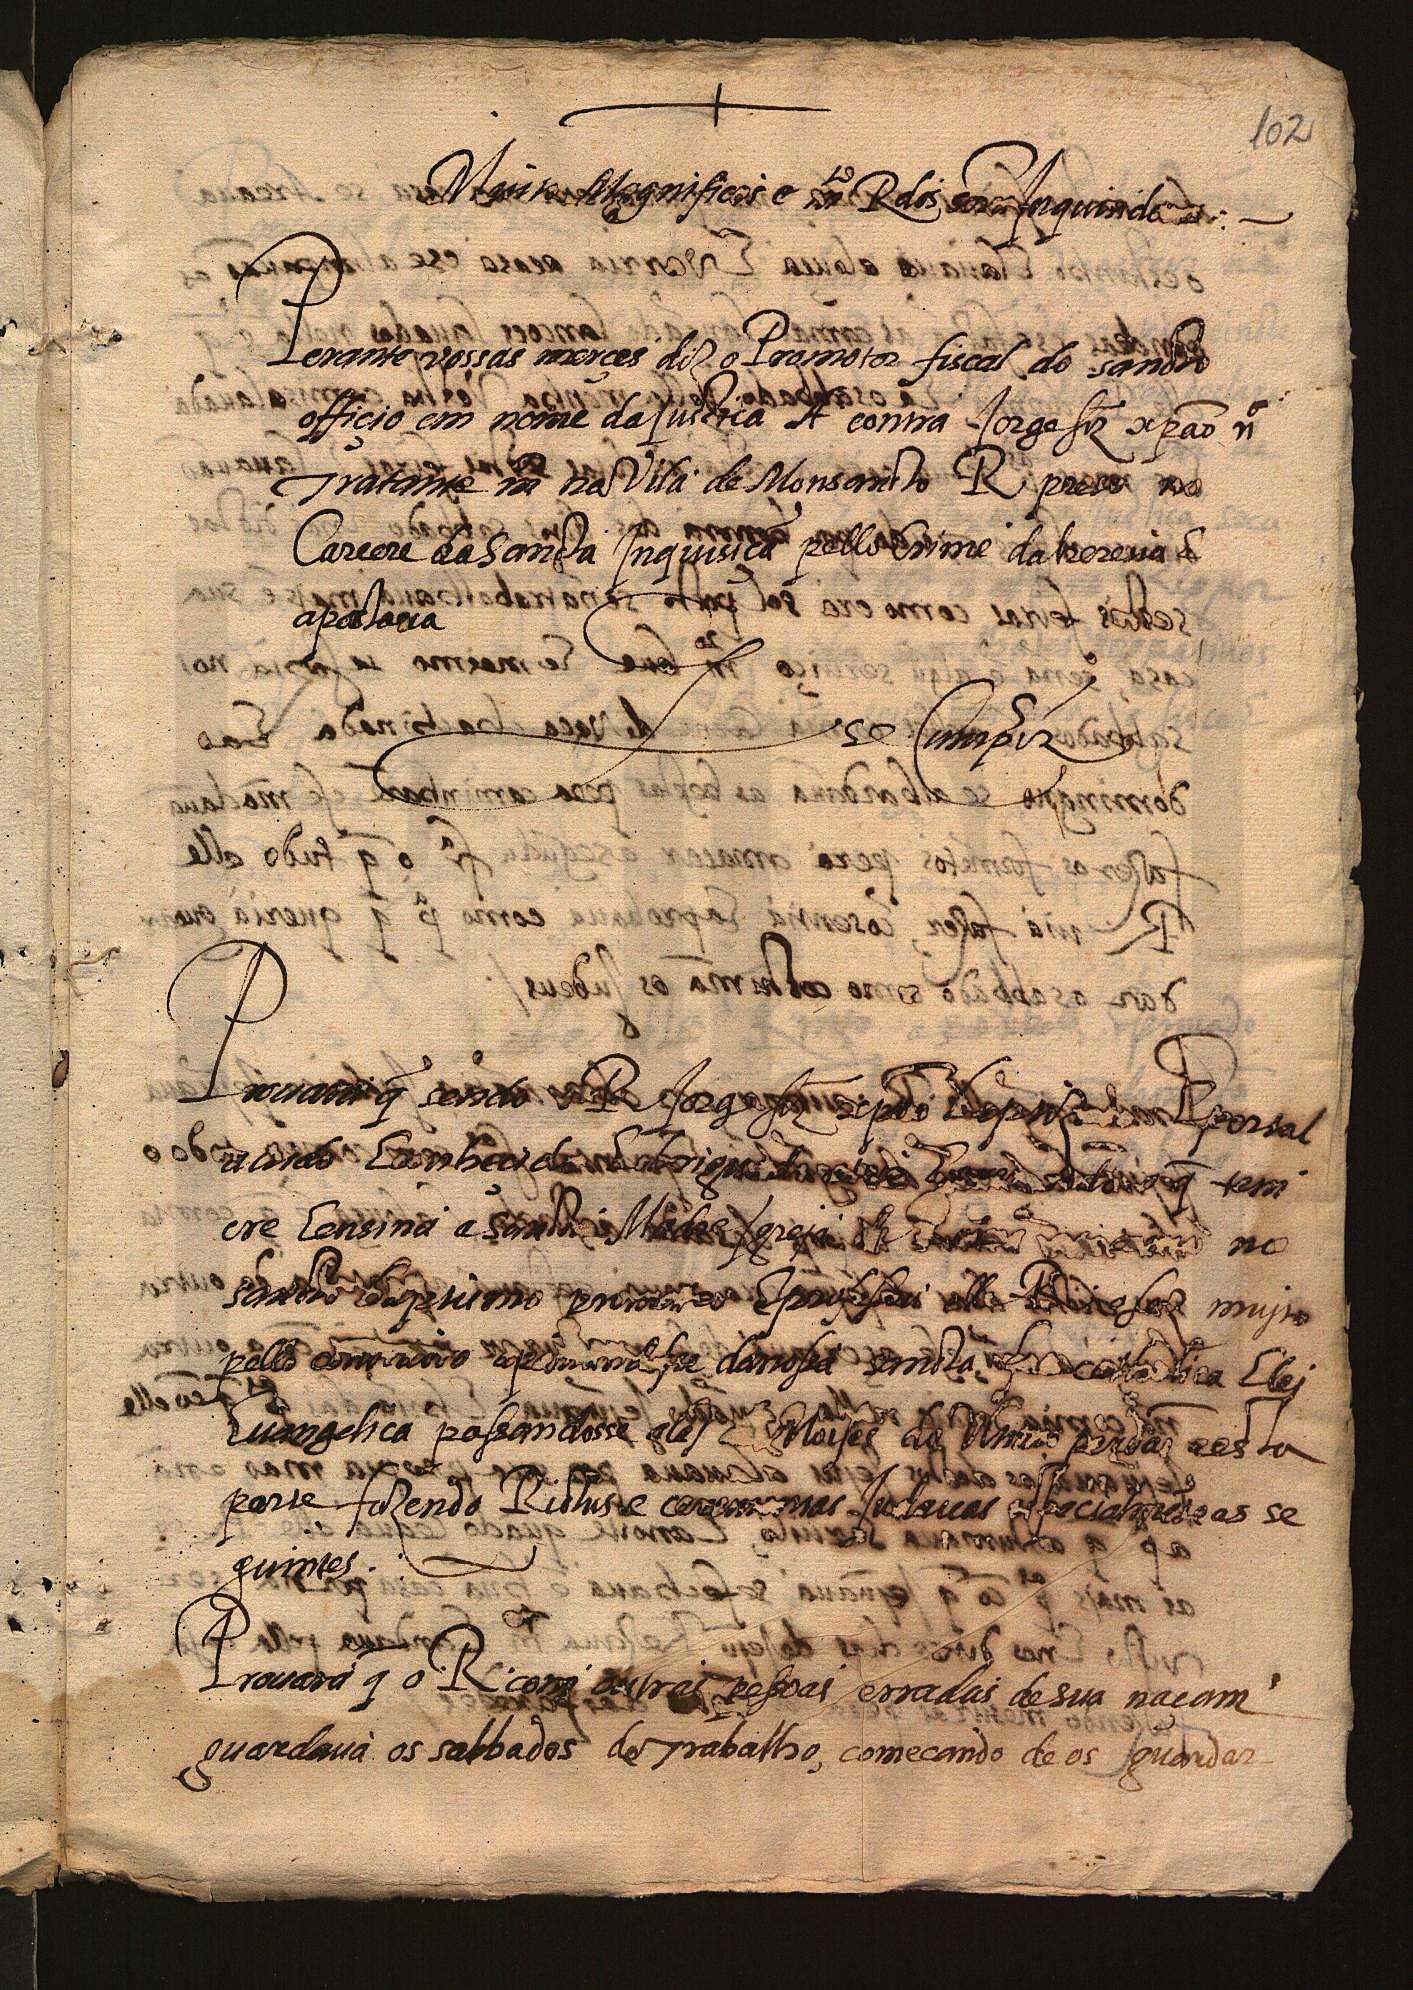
Muito Magnificos e mto Rdos snrs̄ Jnquisidores
Perante vossas merçes diz o Promotor fiscal do sancto
offiçio em nome da Justica A contra Jorge frz̄ xpão no
Tratante mor na Vila de Monsancto R. preso no
Carcere da sancta Jnquisiçā pello Crime da heresia E
apostazia
E se Cump̄ir
Prouara q̄ sendo o R Jorge frz̄ xpão baptiz_ E por tal
auido E conhecido E obriguado a ter E crer tudo o q̄ tem
cre E ensina a sancta Madre Jgreja _ _ _ no
sancto baptismo prometeo e profesou elle Reo o fez mujto
pello contrairo apartandosse da nossa sancta fe catholica E lej
Euangelica passandosse a lej _ Moises do Vltimo perdão a esta
parte fazendo Rictus e ceremonias Judaicas especialmēte as se
guintes.
Prouara q̄ o R com outras pessoas erradas de sua naçam
guardaua os sabbados de trabalho, começando de os guardar
